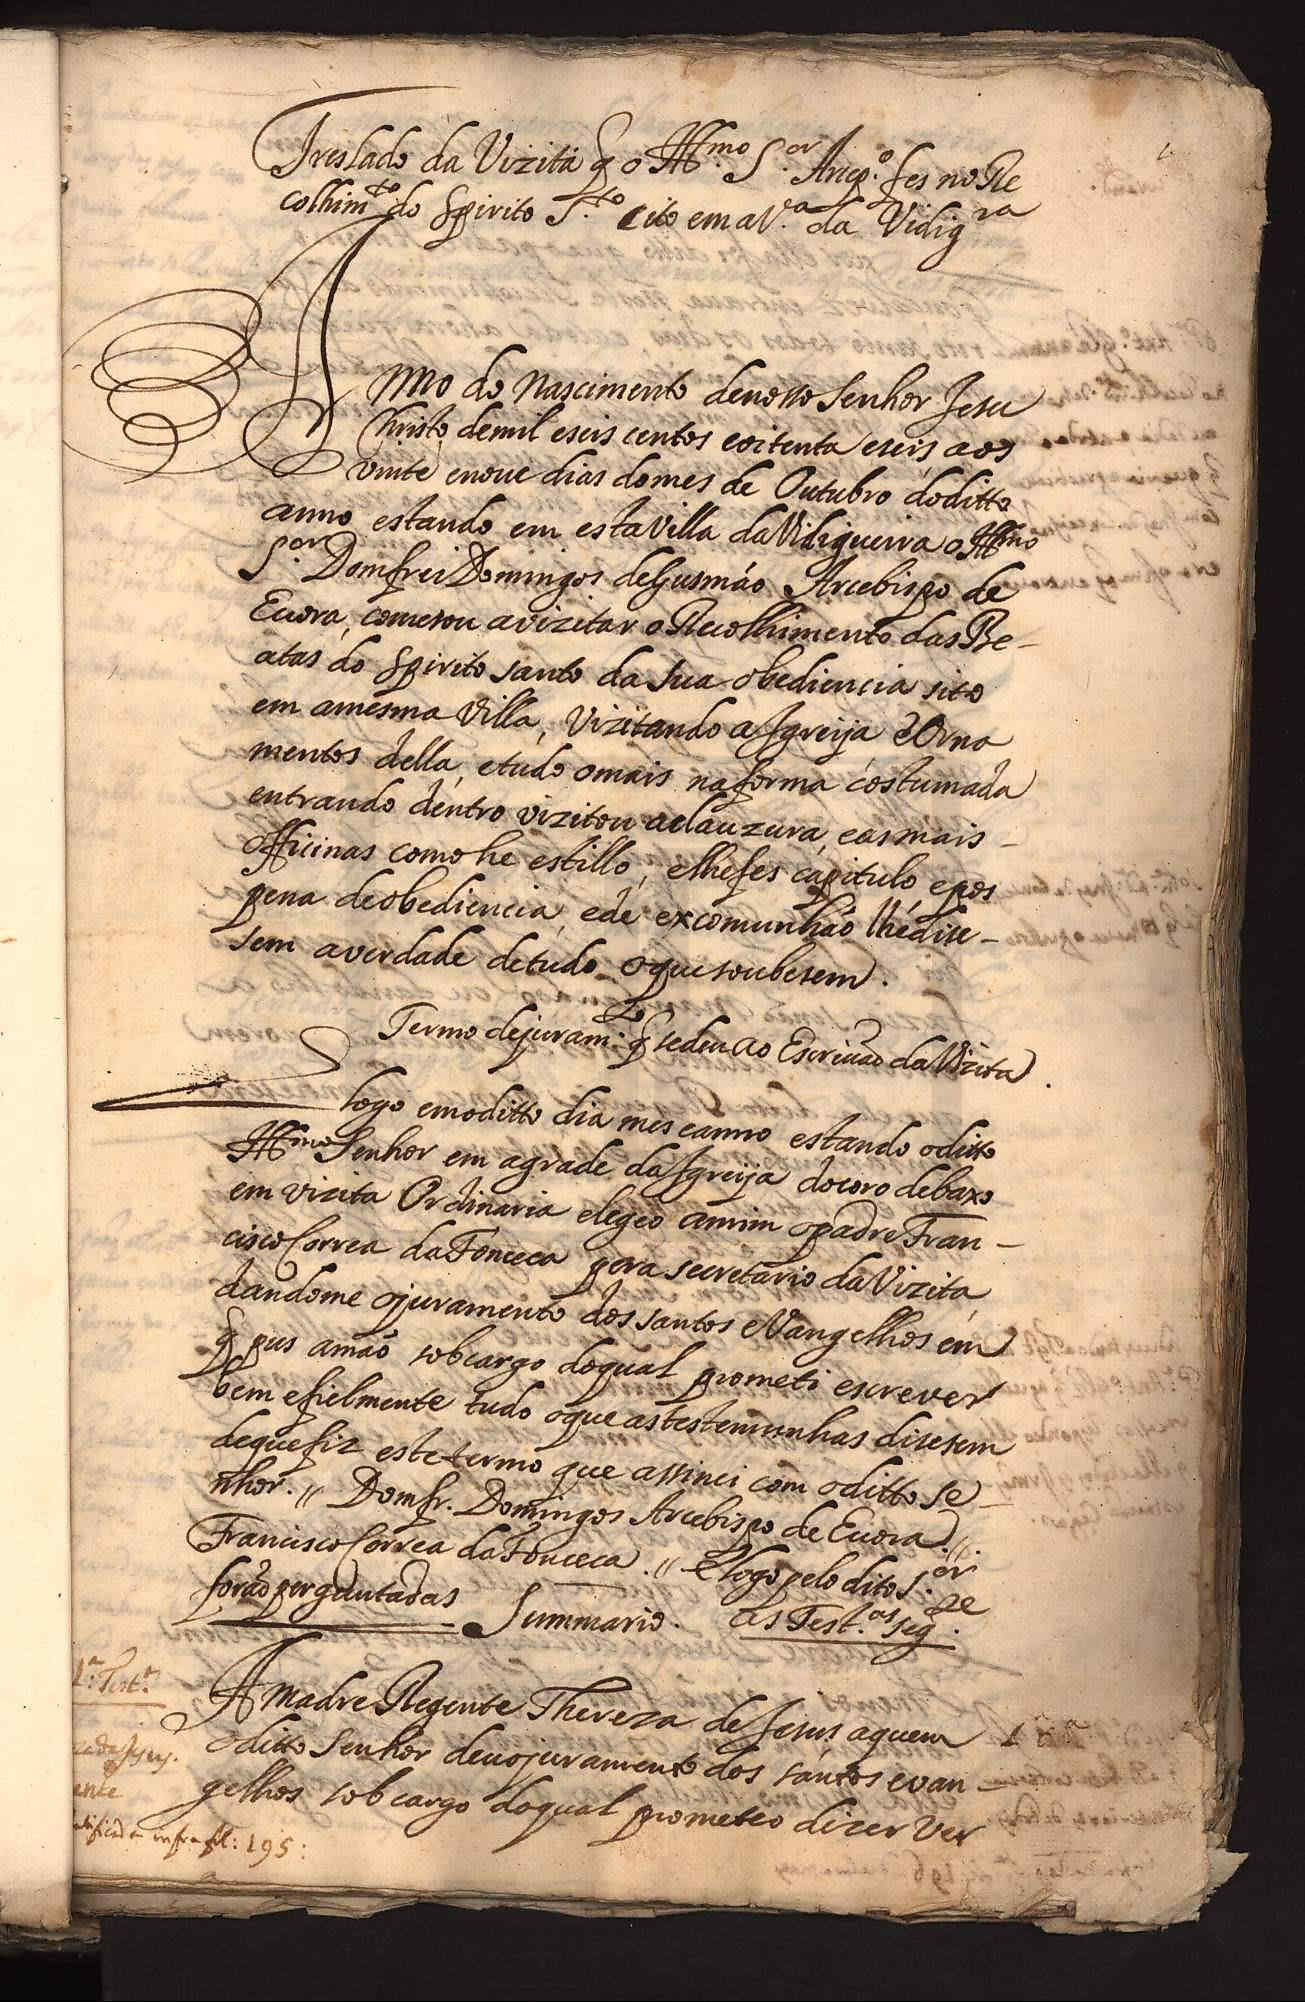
Treslado da Vizita q̄ o Ill.mo S.or Arcep.o fes no Re
colhimto do Spirito S.to cito em a V.a da Vidig.ra
Anno do nascimento de nosso Senhor Jesu
Christo de mil e seiscentos e oitenta e seis aos
vinte e noue dias do mes de Outubro do ditto
anno estando em esta villa da Vidigueira o Ill.mo
S.or Dom frei Domingos de Gusmão Arcebispo de
Euora, comesou a vizitar o Recolhimento das Be
atas do Spirito santo da sua obediencia sito
em a mesma villa, vizitando a Jgreija e Orna
mentos della, e tudo o mais na forma costumada
entrando dentro vizitou a clauzura, e as mais
officinas como he estillo, e lhe fes capitulo, e pos
pena de obediencia, e de excomunhaõ lhe dise
sem a verdade de tudo o que soubesem.
Termo de juram.to q̄ se deu ao Escriuaõ da Vizita
E logo em o ditto dia mes e anno estando o ditto
Ill.mo Senhor em a grade da Jgreija do coro de baxo
em vizita Ordinaria elegeo a mim o padre Fran
cisco Correa da Fonceca pera secretario da Vizita,
dandome o juramento dos santos eVangelhos em
q̄ pus a maõ sob cargo do qual prometi escrever
bem e fielmente tudo o que as testemunhas disesem
de que fiz este termo que assinei com o ditto se
nhor. // Dom fr. Domingos Arcebispo de Euora.//
Francisco Correa da Fonceca.// E logo pelo dito S.or
foraõ perguntadas
as Test.as seg.te
Summario.
1:a Testa.
A madre Regente Thereza de Jesus, a quem
o ditto Senhor deu o juramento dos santos evan
gelhos sob cargo do qual prometeo dizer ver
za de Jesus
ente
atificada infra fol: 195:
